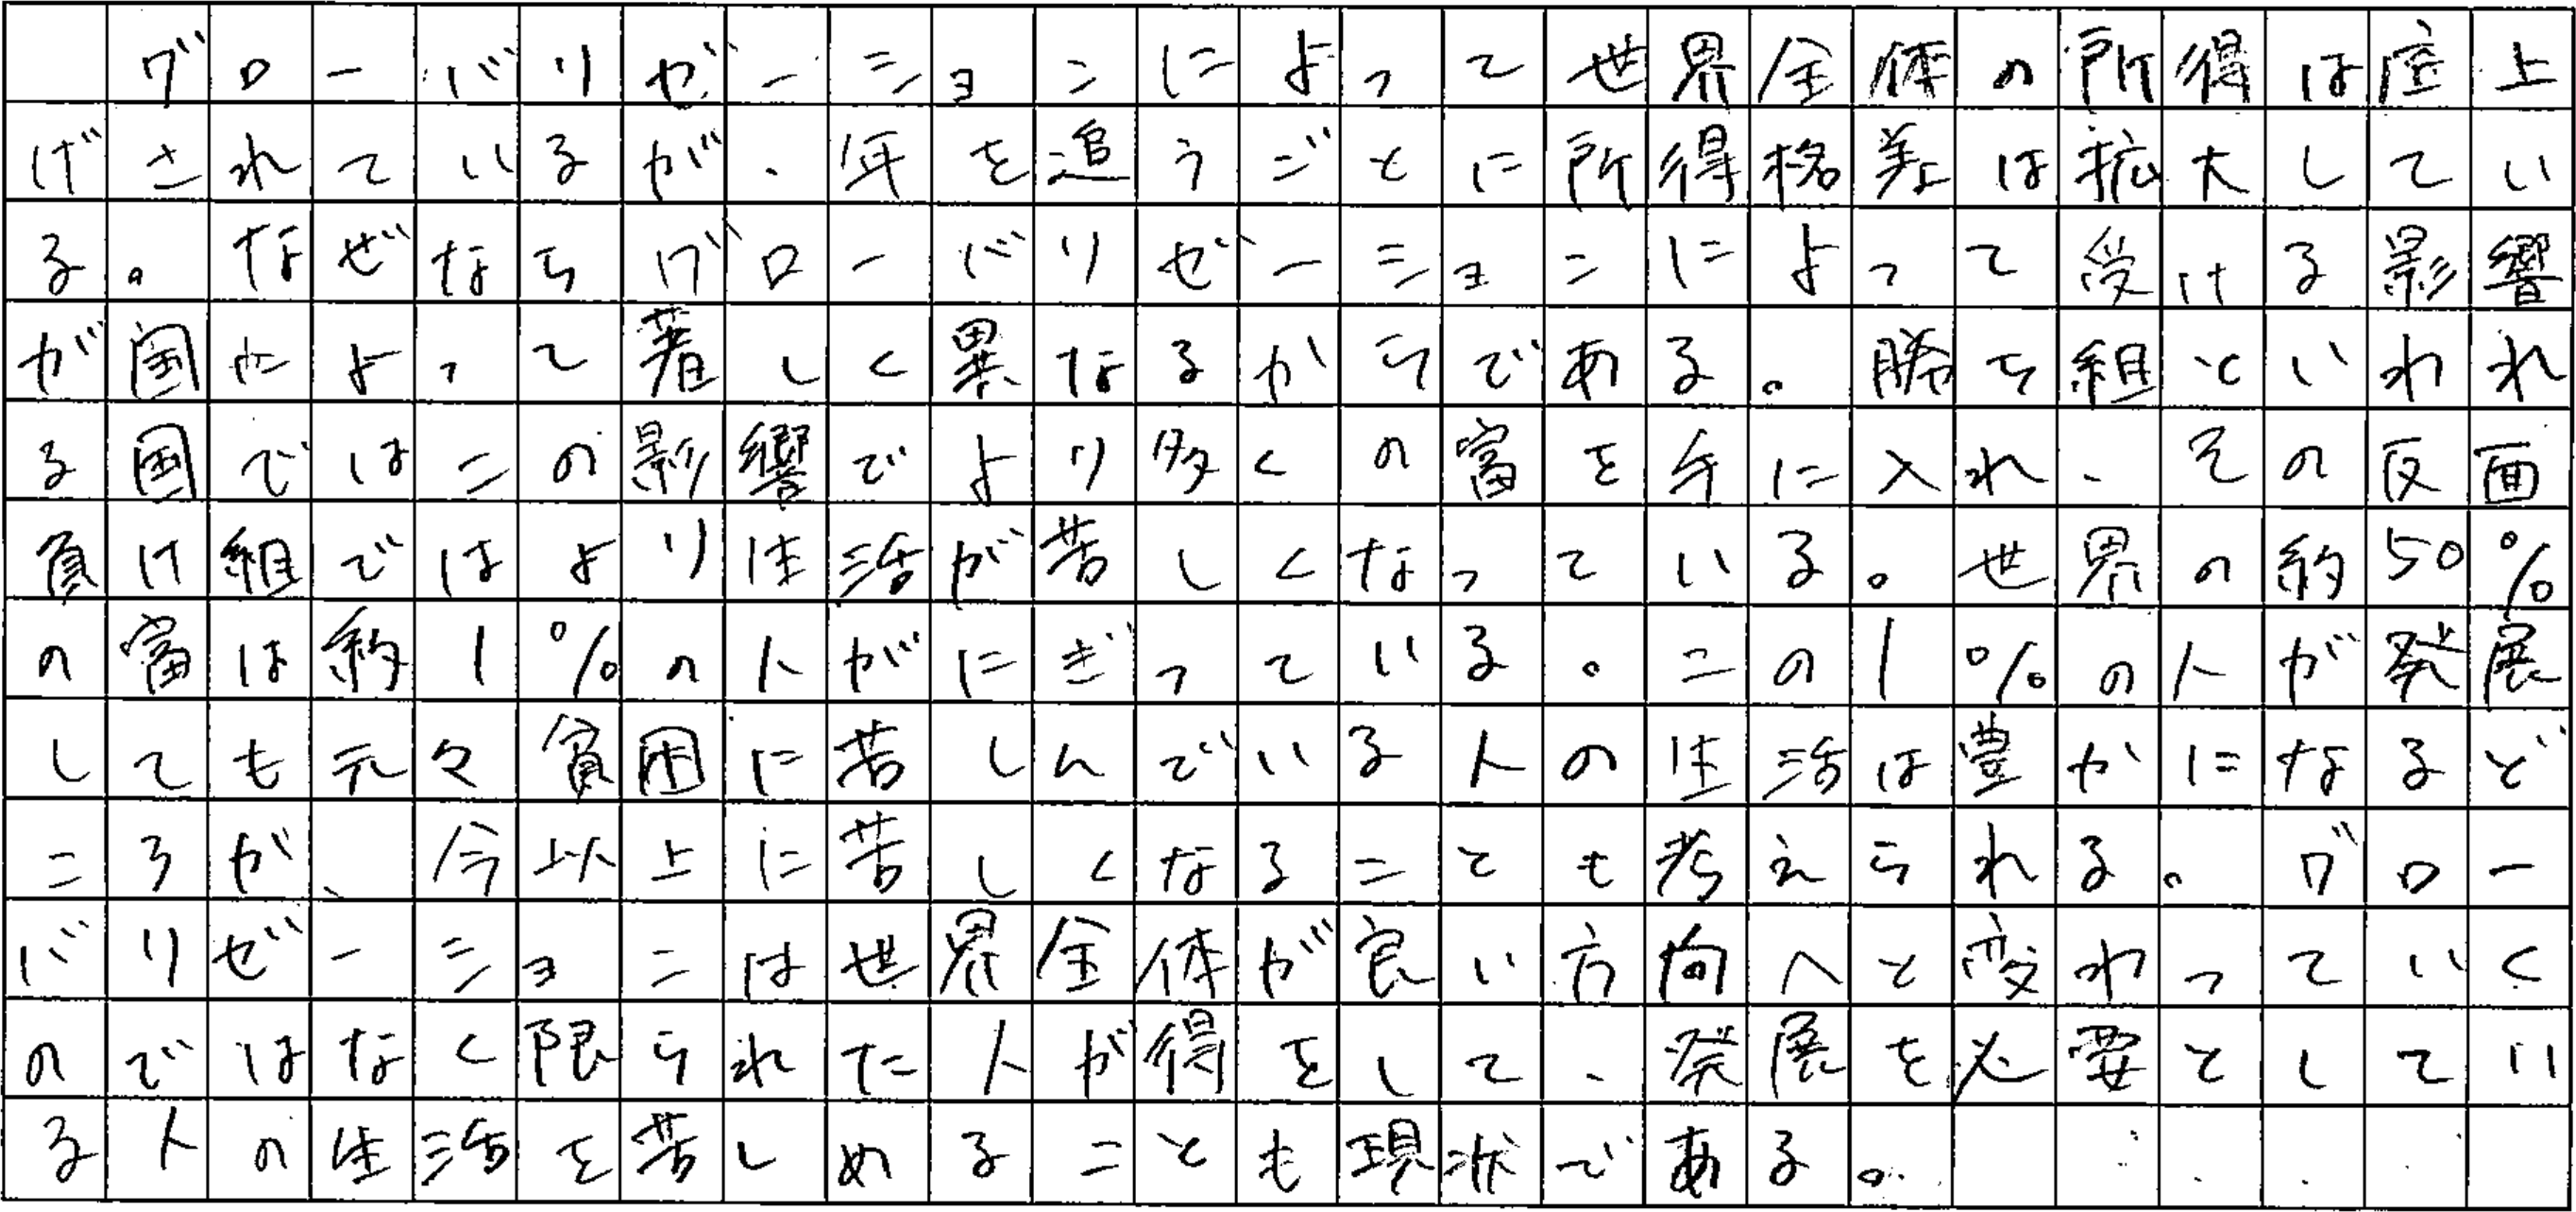　グローバリゼーションによって世界全体の所得は底上げされているが、年を追うごとに所得格差は拡大している。なぜならグローバリゼーションによって受ける影響が国によって著しく異なるからである。勝ち組といわれる国ではこの影響でより多くの富を手に入れ、その反面負け組ではより生活が苦しくなっている。世界の約50％の富は１％の人がにぎっている。この１％の人が発展しても元々貧困に苦しんでいる人の生活は豊かになるどころか、今以上に苦しくなることも考えられる。グローバリゼーションは世界全体が良い方向へと変わっていくのではなく限られた人が得をして、発展を必要としている人の生活を苦しめることも現状である。
